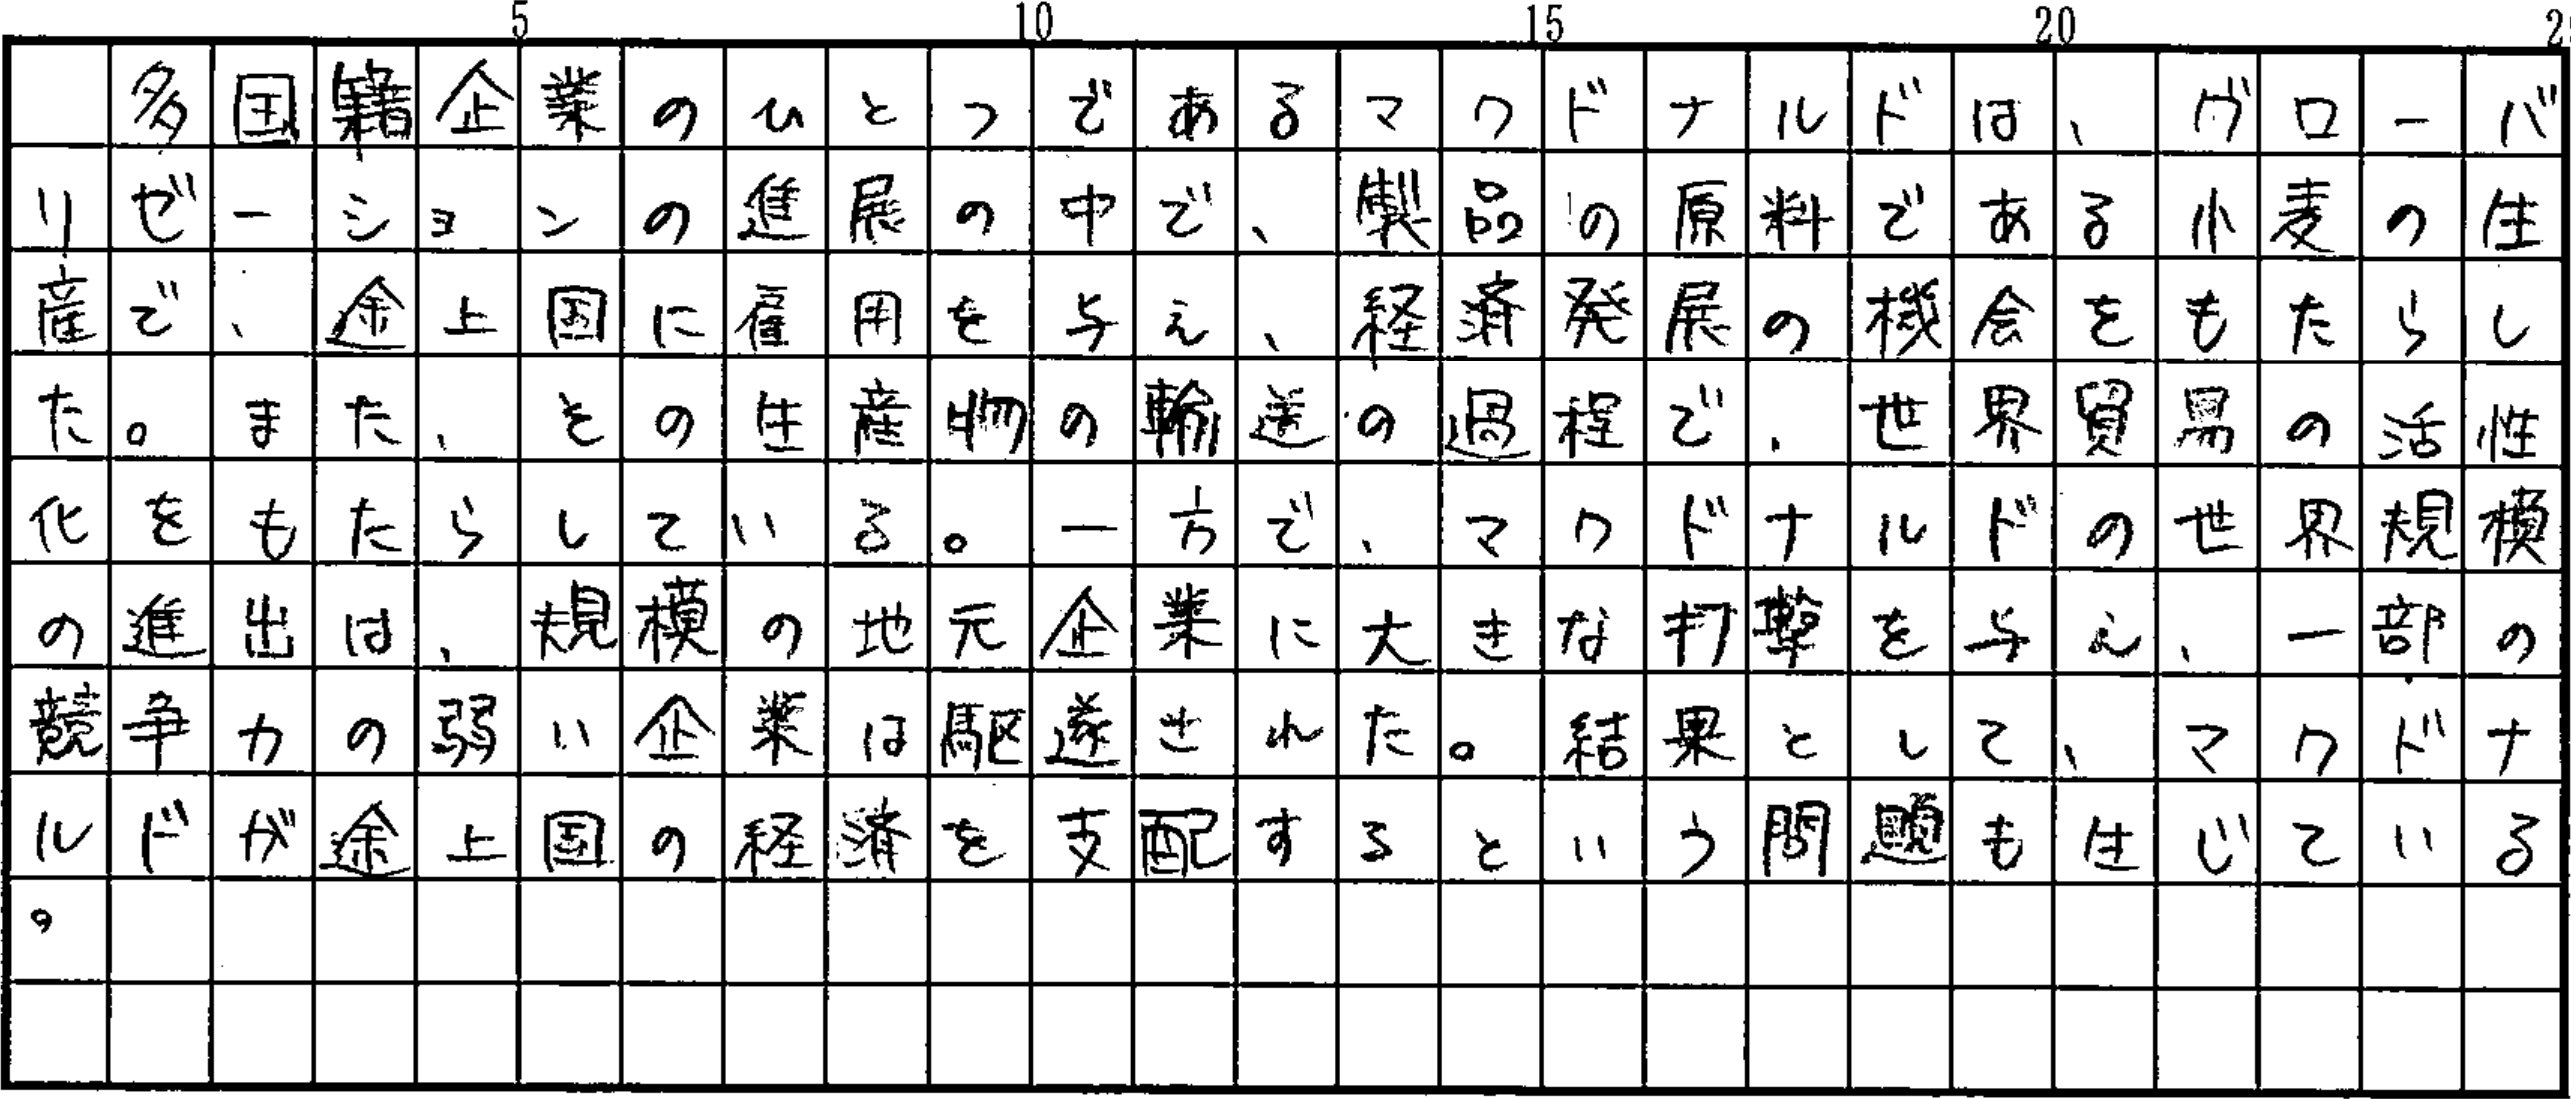　多国籍企業のひとつであるマクドナルドは、グローバリゼーションの進展の中で、製品の原料である小麦の生産で、途上国に雇用を与え、経済発展の機会をもたらした。また、その生産物の輸送の過程で、世界貿易の活性化をもたらしている。一方で、マクドナルドの世界規模の進出は、規模の地元企業に大きな打撃を与え、一部の競争力の弱い企業は駆逐された。結果として、マクドナルドが途上国の経済を支配するという問題も生じている。
